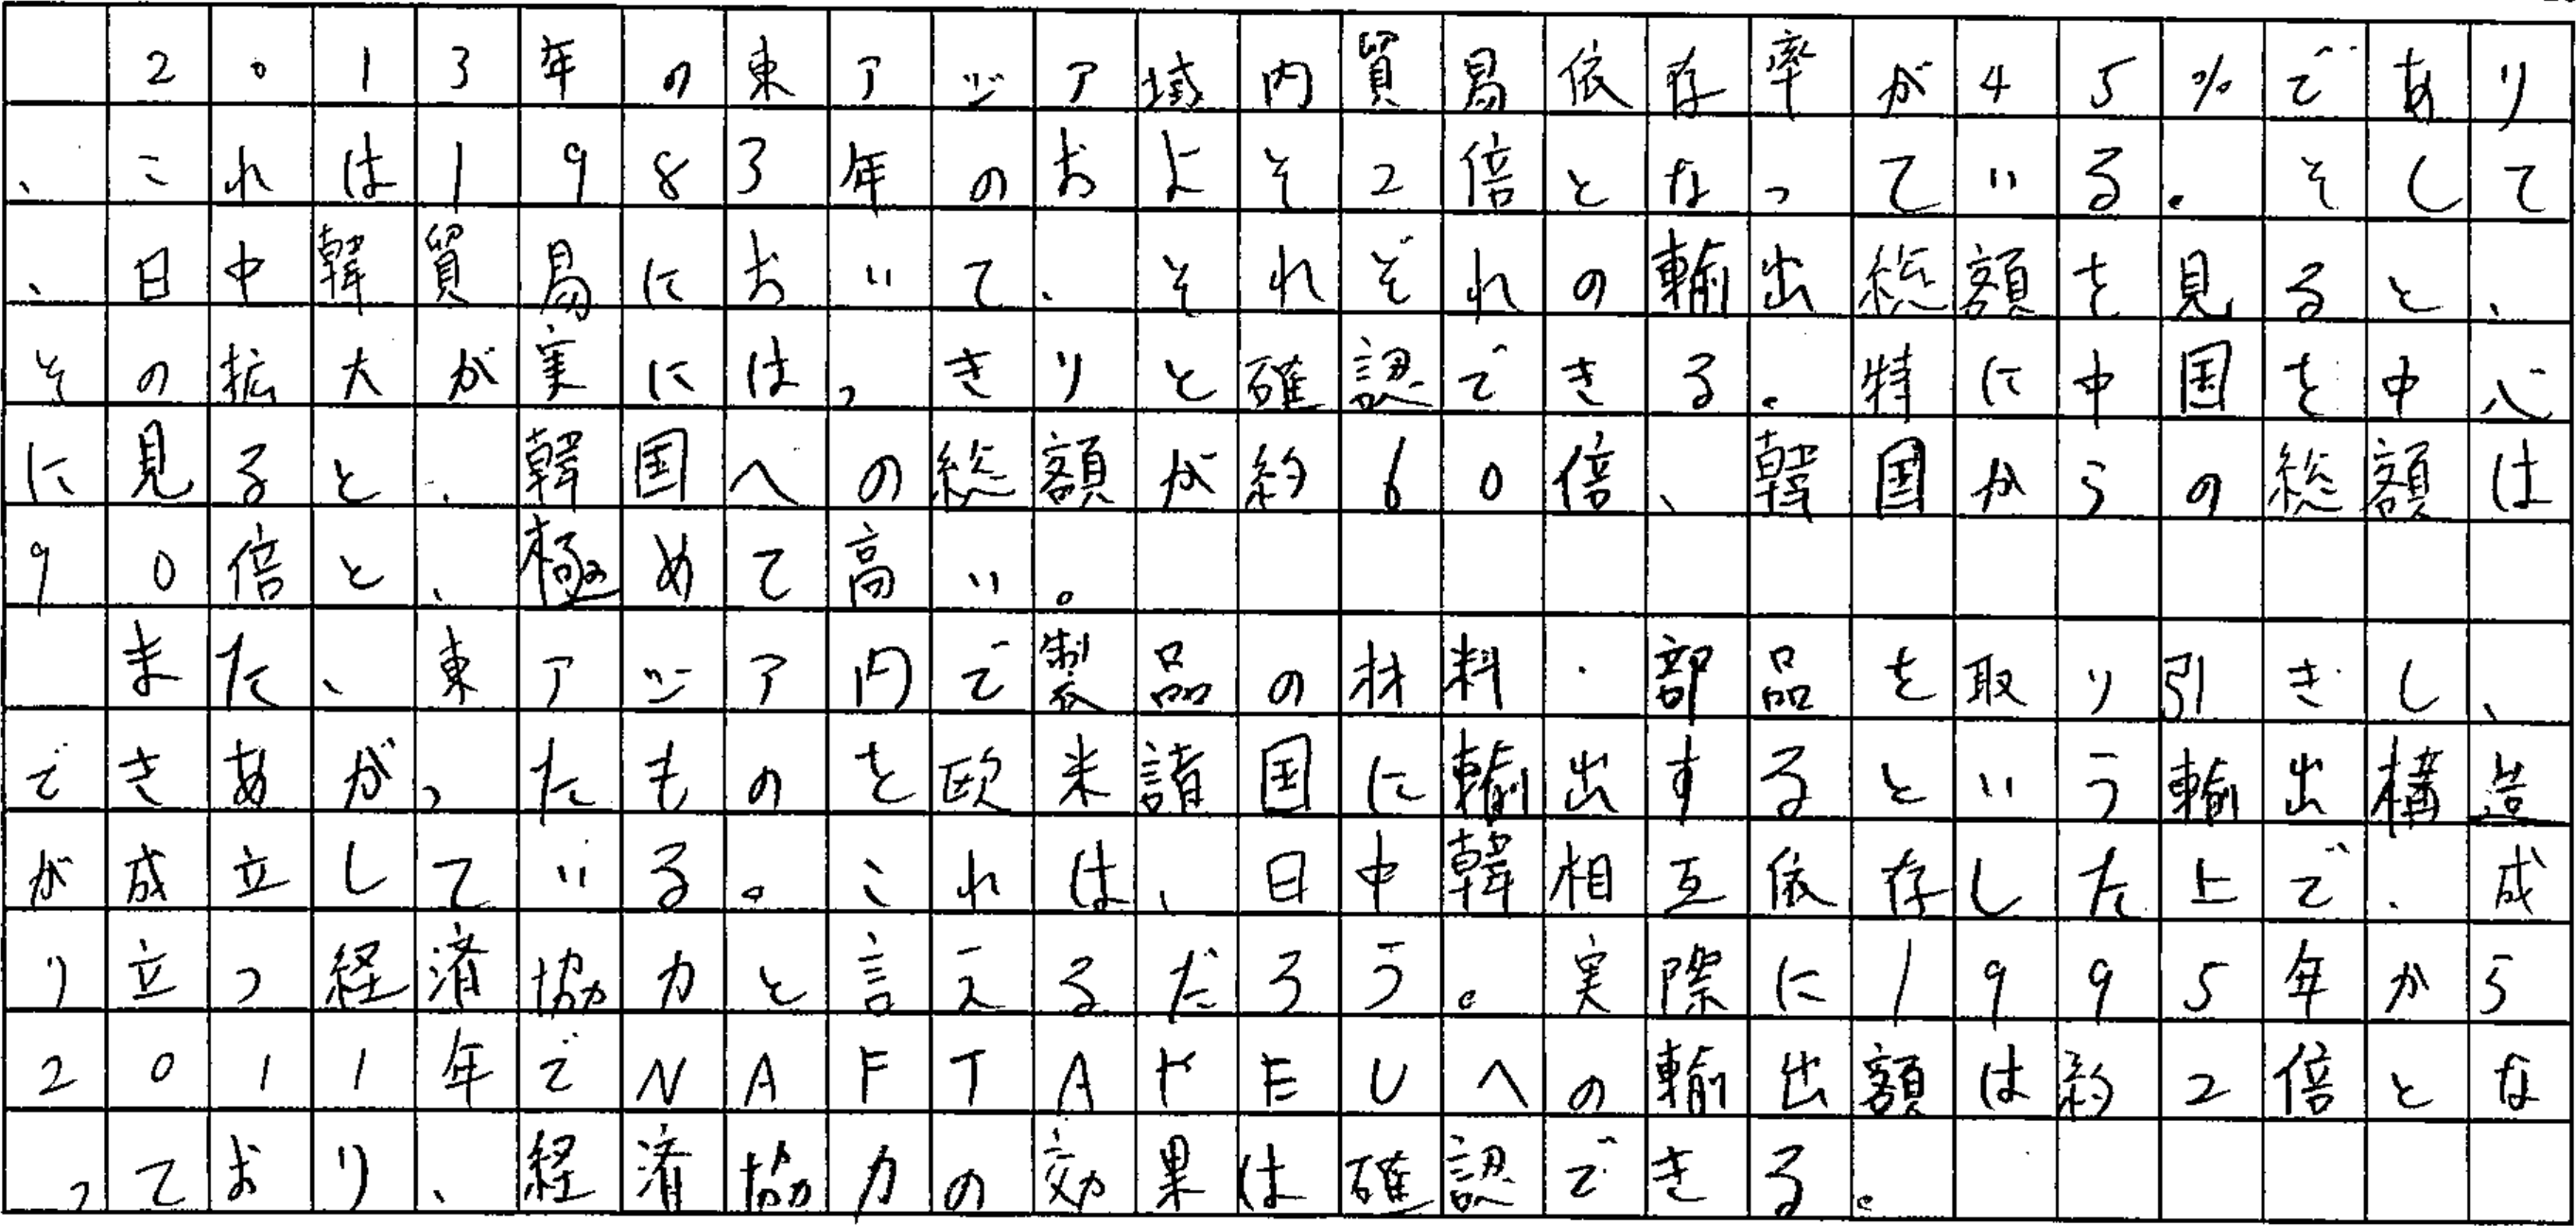　２０１３年の東アジア域内貿易依存率が４５％であり、これは１９８３年のおよそ２倍となっている。そして、日中韓貿易において、それぞれの輸出総額を見ると、その拡大が実にはっきりと確認できる。特に中国を中心に見ると、韓国への総額が約６０倍、韓国からの総額は９０倍と、極めて高い。
　また、東アジア内で製品の材料・部品を取り引きし、できあがったものを欧米諸国に輸出するという輸出構造が成立している。これは、日中韓相互依存した上で、成り立つ経済協力と言えるだろう。実際に１９９５年から２０１１年でＮＡＦＴＡやＥＵへの輸出額は約２倍となっており、経済協力の効果は確認できる。
